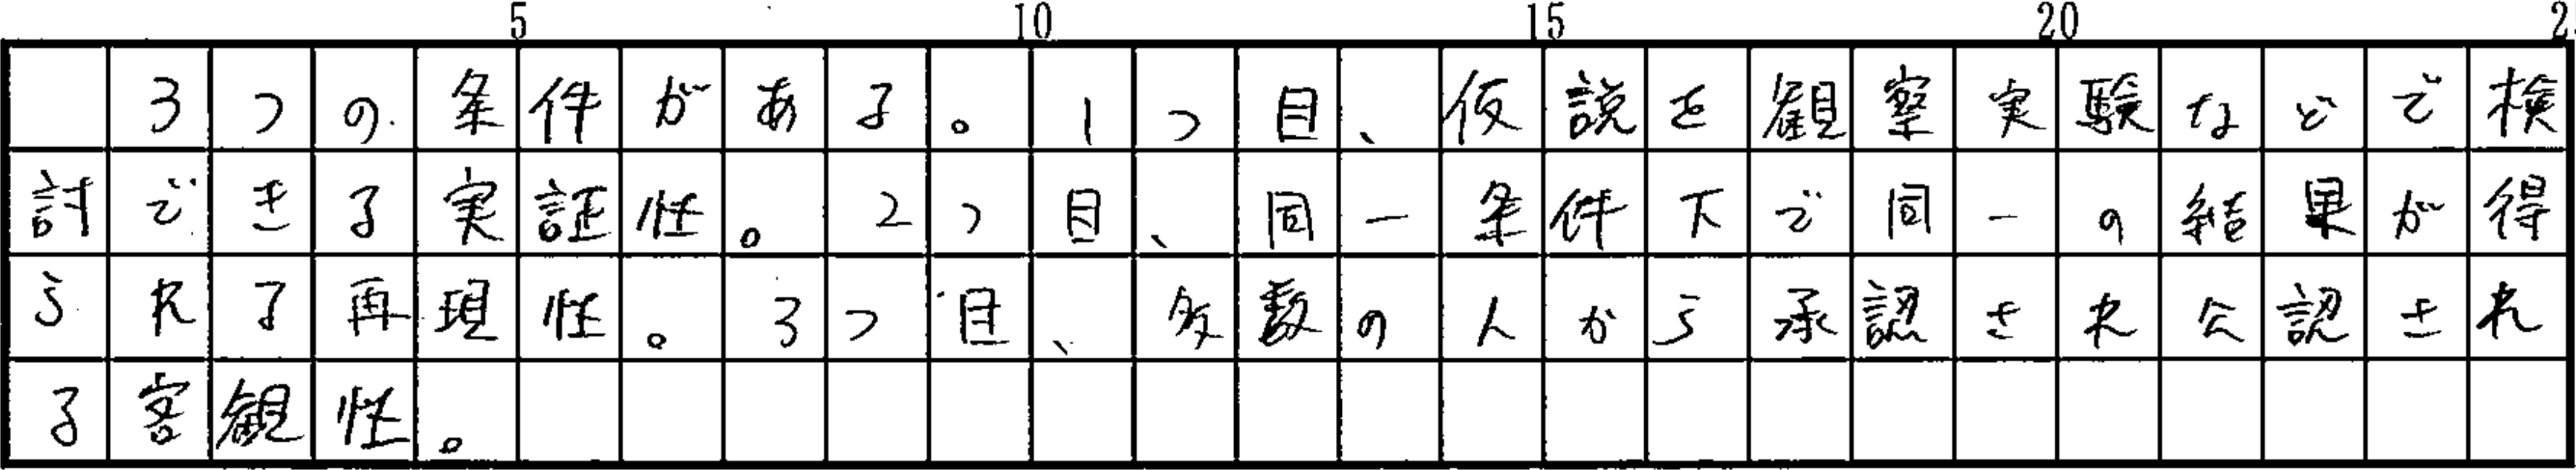　３つの条件がある。１つ目、仮説を観察実験などで検討できる実証性。２つ目、同一条件下で同一の結果が得られる再現性。３つ目、多数の人から承認され公認される客観性。
